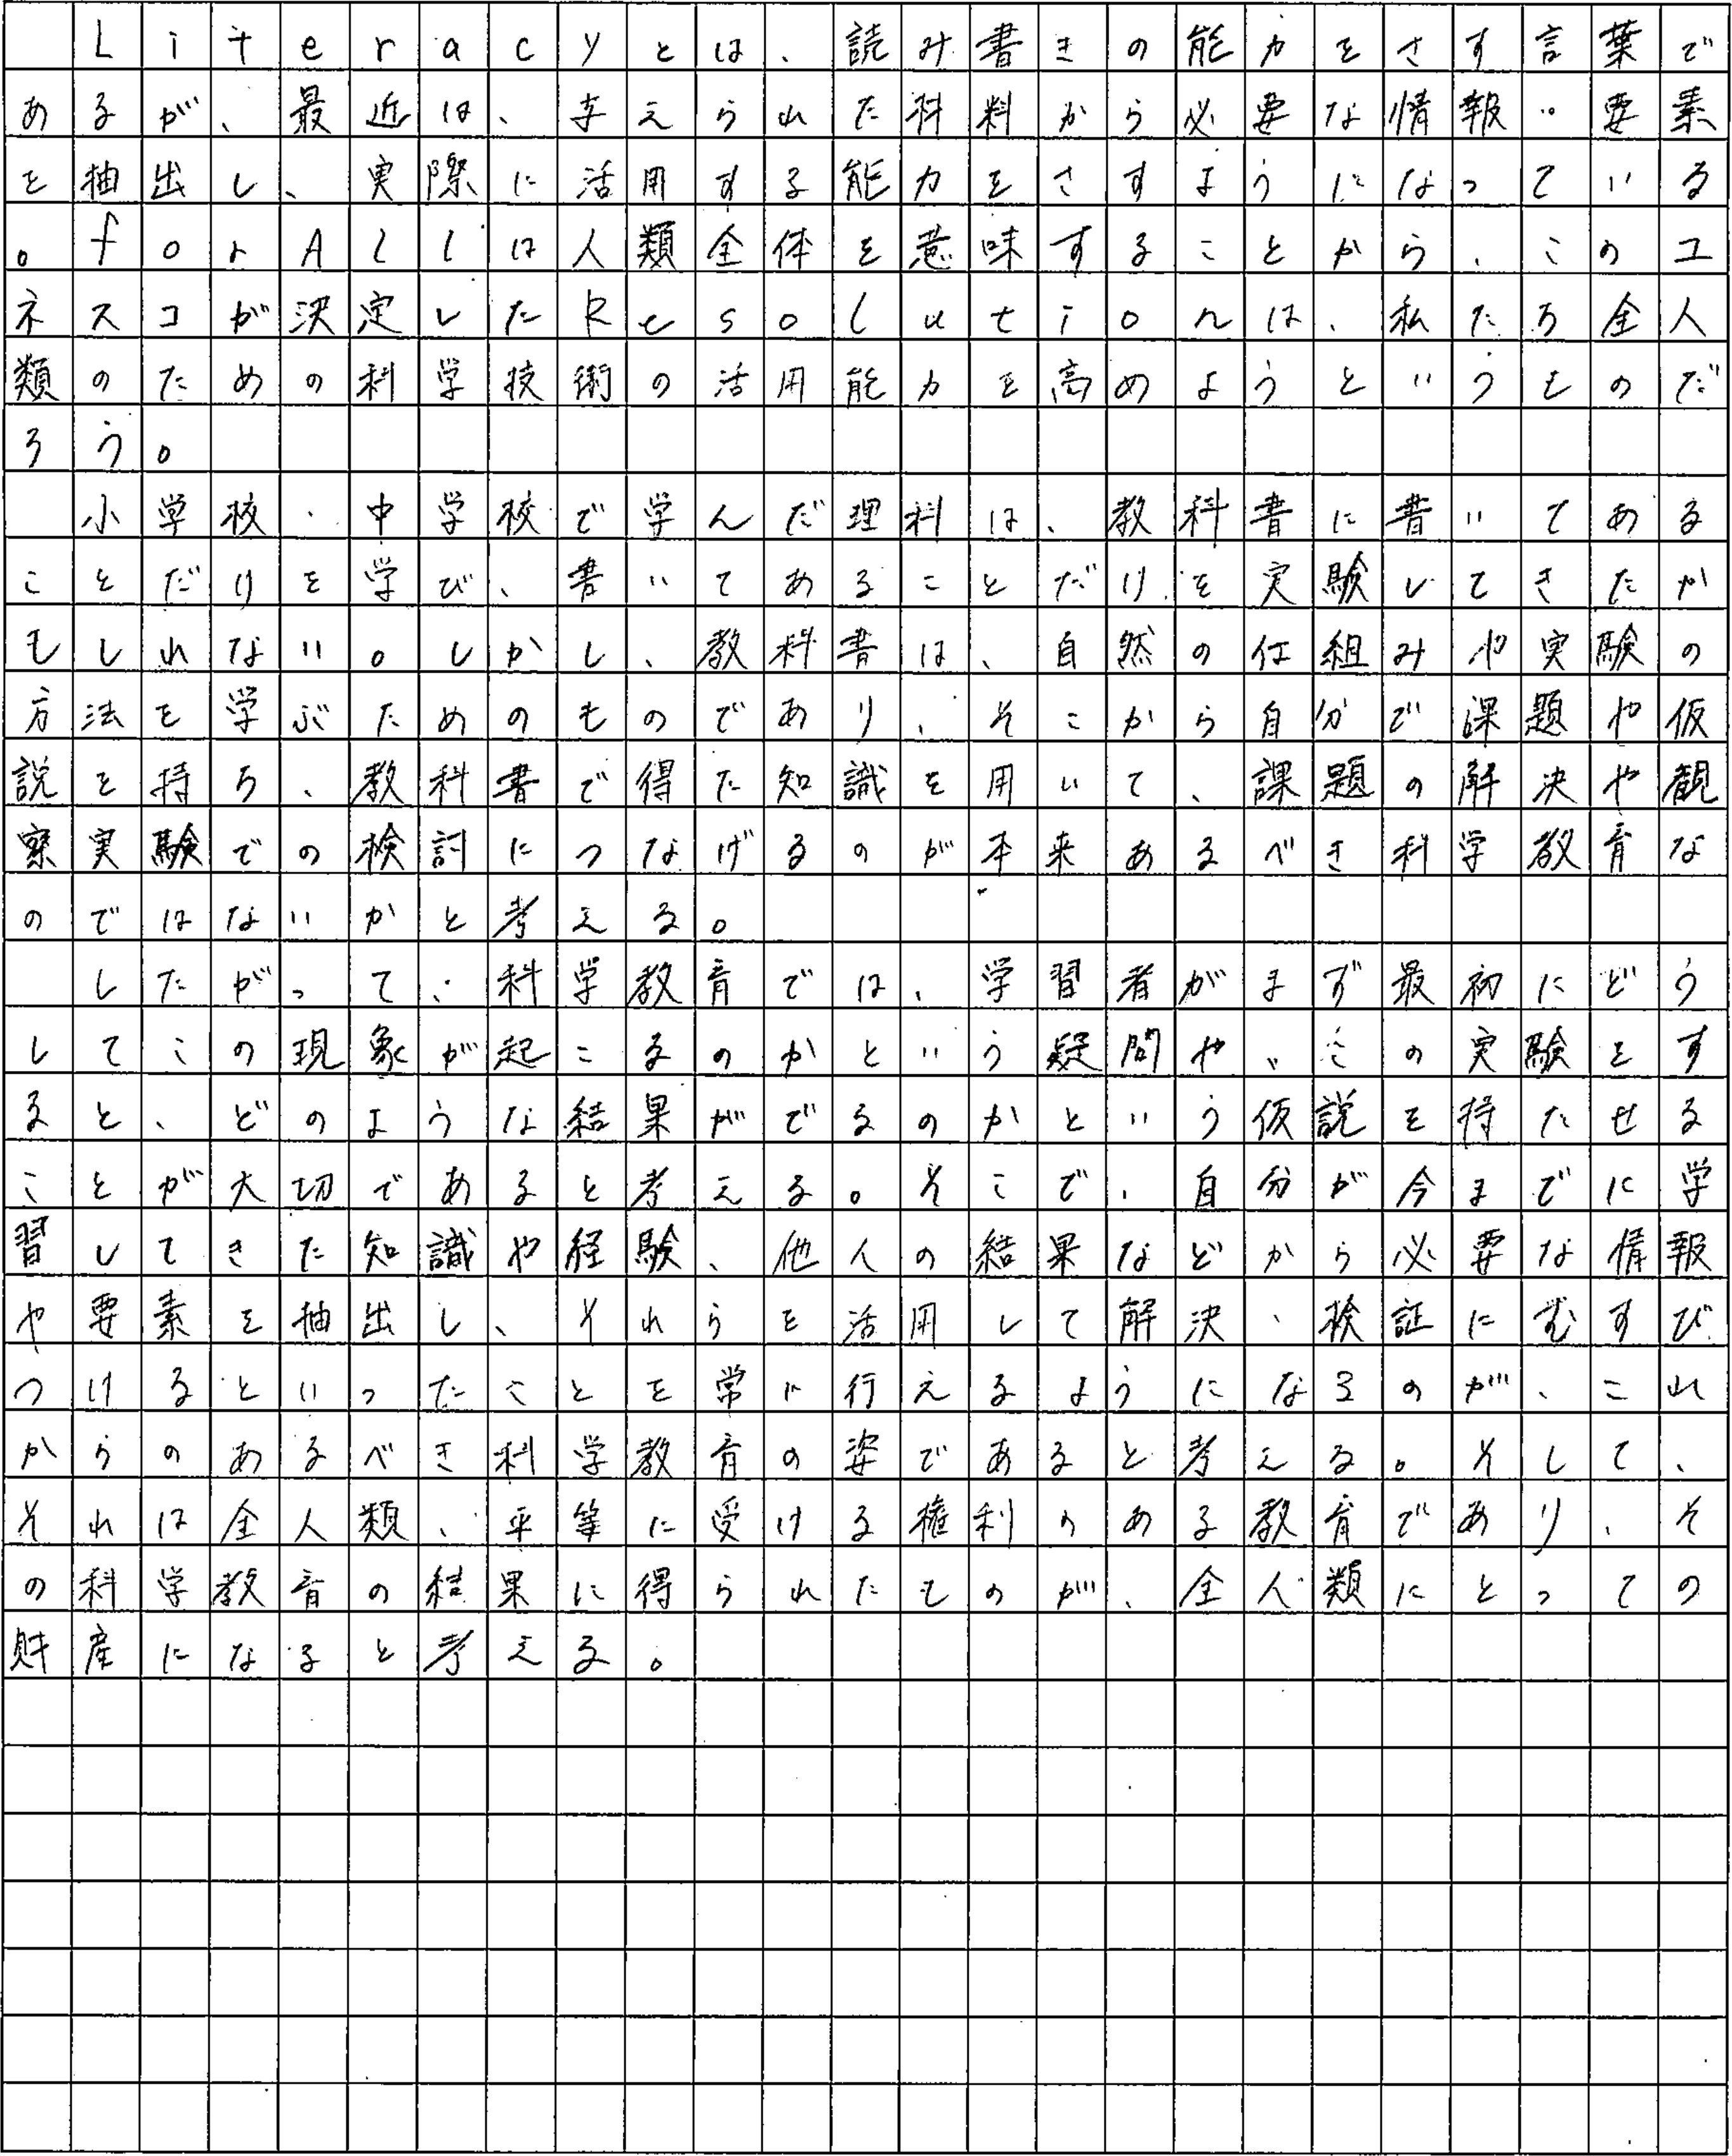　Ｌｉｔｅｒａｃｙとは、読み書きの能力をさす言葉であるが、最近は、与えられた材料から必要な情報・要素を抽出し、実際に活用する能力をさすようになっている。ｆｏｒＡｌｌは人類全体を意味することから、このユネスコが決定したＲｅｓｏｌｕｔｉｏｎは、私たち全人類のための科学技術の活用能力を高めようというものだろう。
　小学校・中学校で学んだ理科は、教科書に書いてあることだけを学び、書いてあることだけを実験してきたかもしれない。しかし、教科書は、自然の仕組みや実験の方法を学ぶためのものであり、そこから自分で課題や仮説を持ち、教科書で得た知識を用いて、課題の解決や観察実験での検討につなげるのが本来あるべき科学教育なのではないかと考える。
　したがって、科学教育では、学習者がまず最初にどうしてこの現象が起こるのかという疑問や、この実験をすると、どのような結果がでるのかという仮説を持たせることが大切であると考える。そこで、自分が今までに学習してきた知識や経験、他人の結果などから必要な情報や要素を抽出し、それらを活用して解決、検証にむすびつけるといったことを常に行えるようになるのが、これからのあるべき科学教育の姿であると考える。そして、それは全人類、平等に受ける権利のある教育であり、その科学教育の結果に得られたものが、全人類にとっての財産になると考える。
